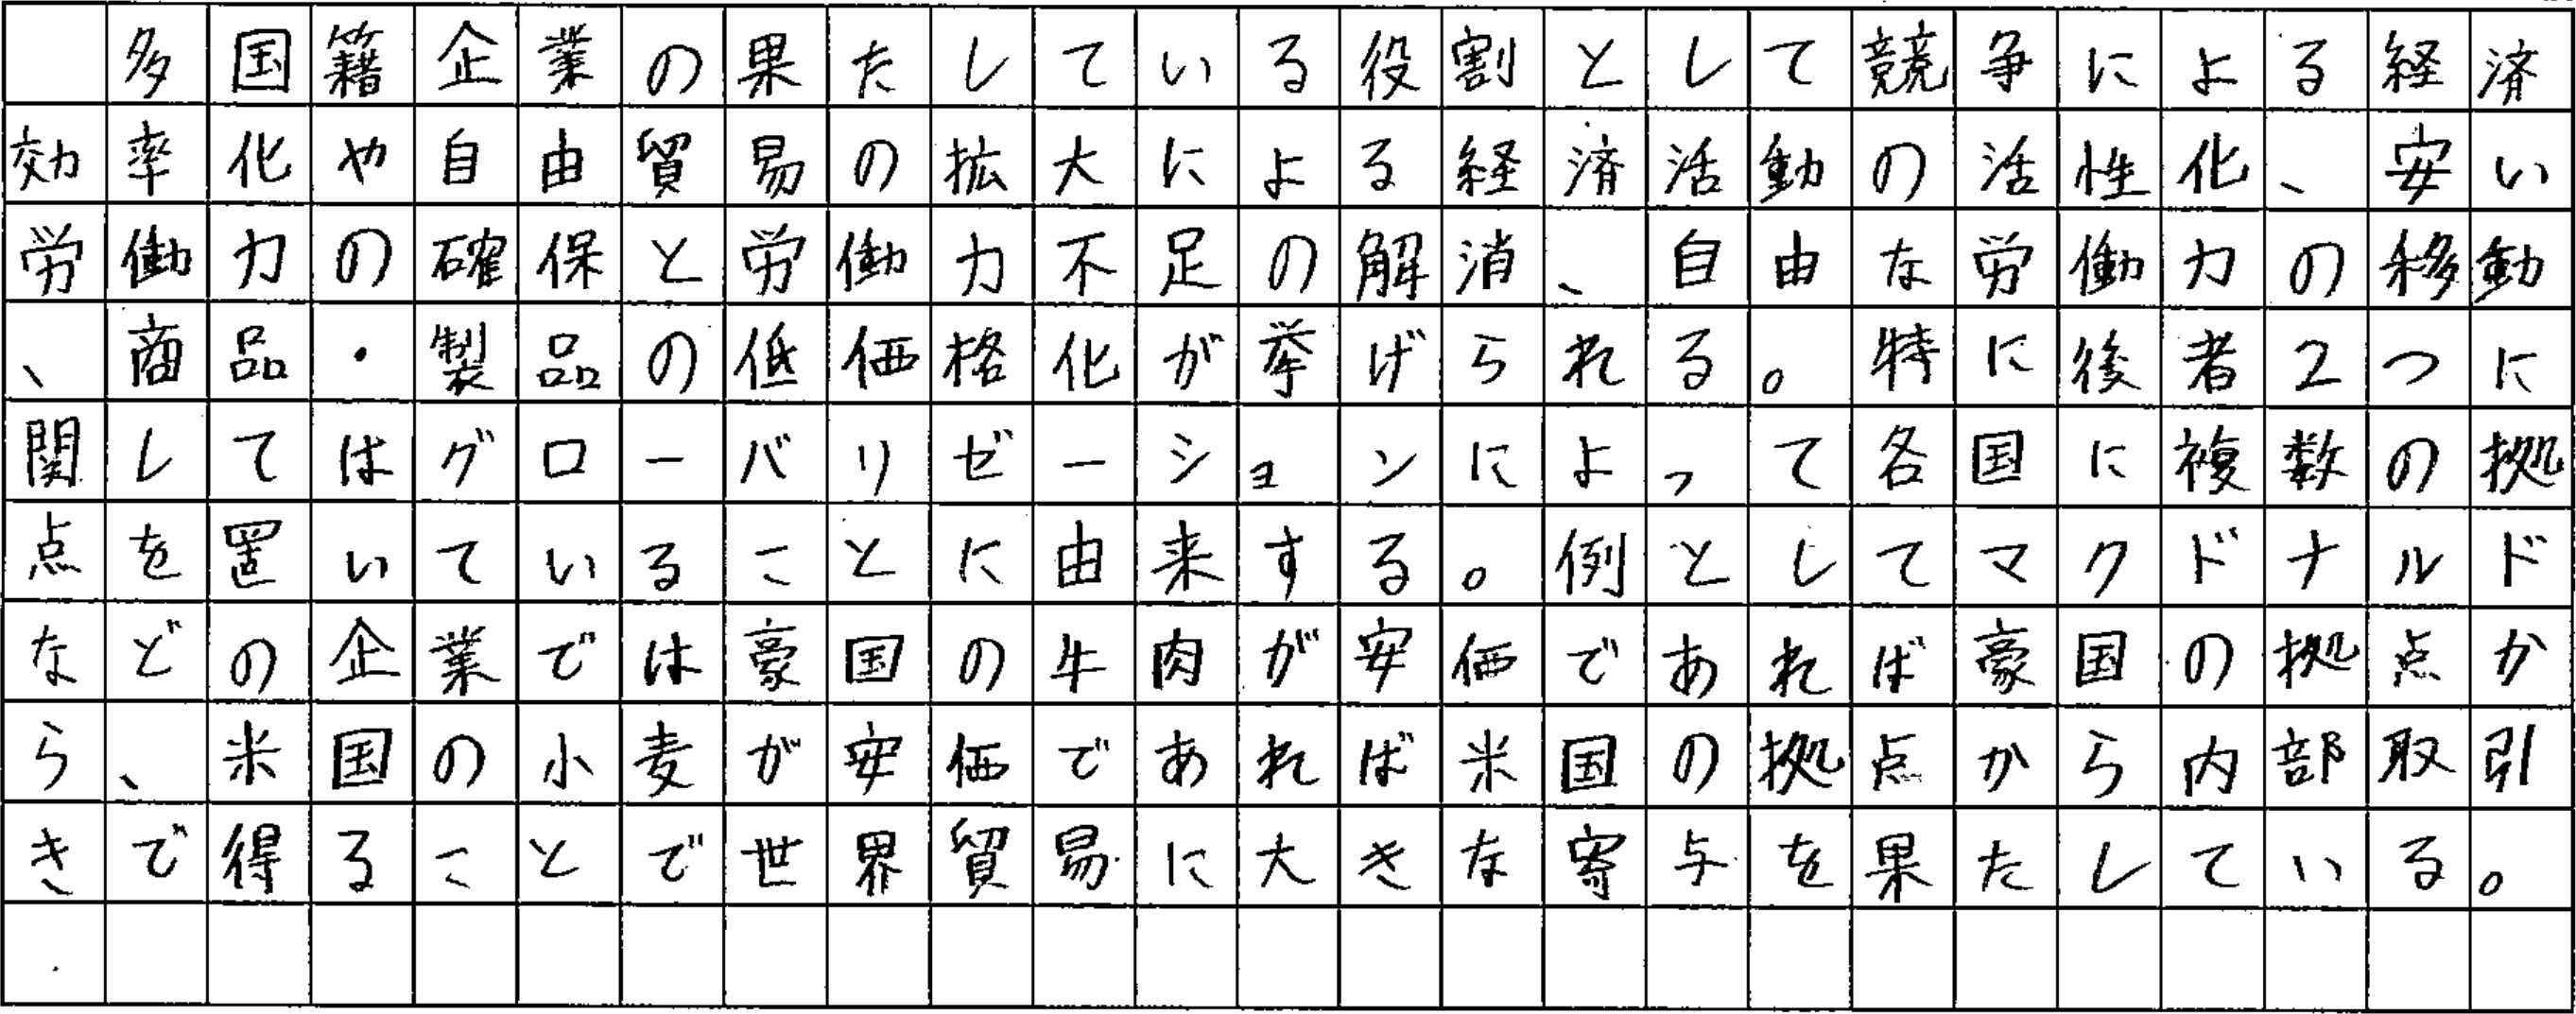　多国籍企業の果たしている役割として競争による経済効率化や自由貿易の拡大による経済活動の活性化、安い労働力の確保と労働力不足の解消、自由な労働力の移動、商品・製品の低価格化が挙げられる。特に後者２つに関してはグローバリゼーションによって各国に複数の拠点を置いていることに由来する。例としてマクドナルドなどの企業では豪国の牛肉が安価であれば豪国の拠点から、米国の小麦が安価であれば米国の拠点から内部取引きで得ることで世界貿易に大きな寄与を果たしている。
